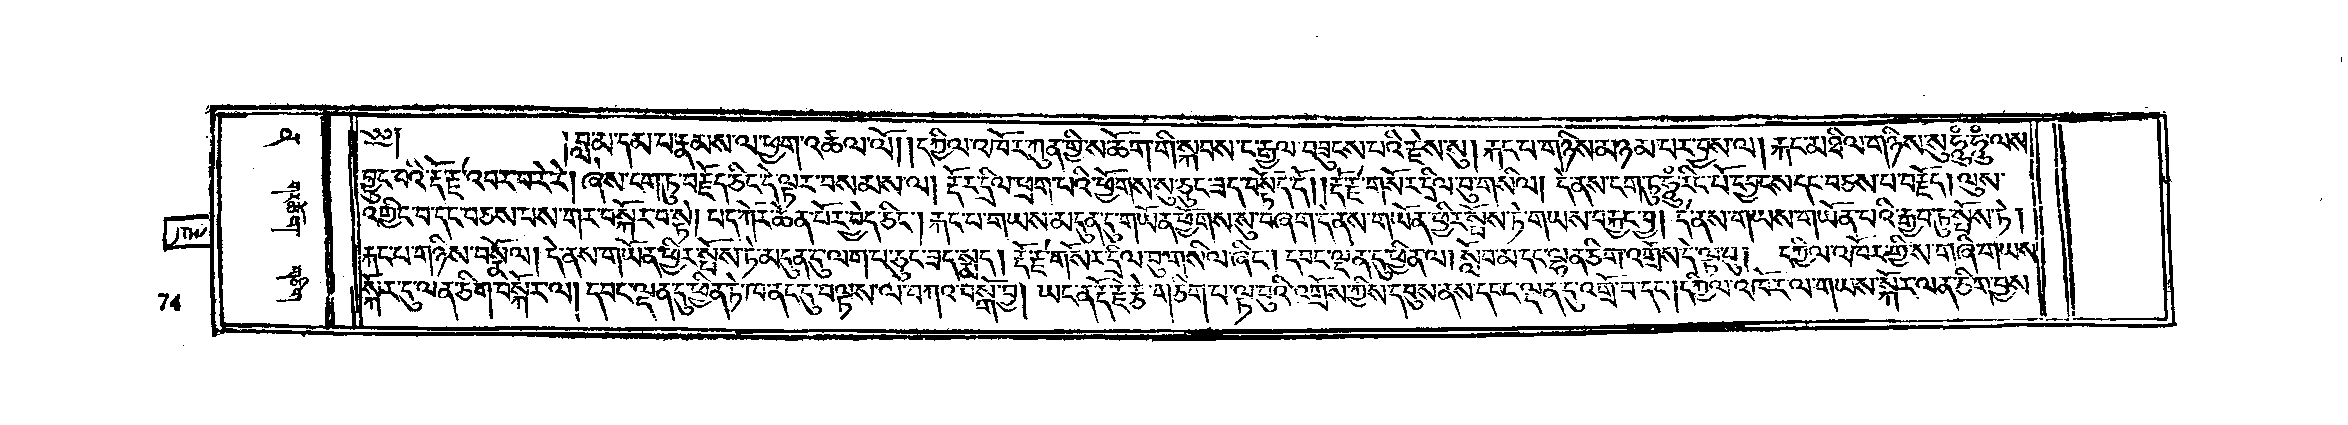༄༅། །བླ་མ་དམ་པ་རྣམས་ལ་ཕྱག་འཚལ་ལོ། །དཀྱིལ་འཁོར་ཀུན་གྱི་ས་ཆོག་གི་སྐབས་ང་རྒྱལ་བཟུངས་པའི་རྗེས་སུ། རྐང་པ་གཉིས་མཉམ་པར་བྱས་ལ། རྐང་མཐིལ་གཉིས་སུ་ཧཱུཾ་ཧཱུཾ་ལས་
བྱུང་བའི་རྡོ་རྗེ་འབར་བ་རེ་རེ། ཞེས་ངག་ཏུ་བརྗོད་ཅིང་དེ་ལྟར་བསམས་ལ། རྡོར་དྲིལ་ཕྲག་པའི་ཕྱོགས་སུ་ཅུང་ཟད་བསྟོད་དོ། །རྡོ་རྗེ་གསོར་དྲིལ་བུ་གསིལ། དེ་ནས་ངག་ཏུ་ཧཱུཾ་རིང་པོ་དབྱངས་དང་བཅས་པ་བརྗོད། ལུས་
འགྱིང་བ་དང་བཅས་པས་གར་བསྐོར་བ་སྟེ། པད་ཀོར་ཆེན་པོར་བྱེད་ཅིང་། རྐང་པ་གཡས་མདུན་དུ་གཡོན་ཕྱོགས་སུ་བཞག་དེ་ནས་གཡོན་ཕྱིར་སྤོས་ཏེ་གཡས་བརྐྱང་བྱ། དེ་ནས་གཡས་གཡོན་པའི་རྒྱབ་ཏུ་སྤོས་ཏེ།
རྐང་པ་གཉིས་བསྣོལ། དེ་ནས་གཡོན་ཕྱིར་སྤོས་ཏེ་མདུན་དུ་ལག་པ་ཅུང་ཟད་སྨད། རྡོ་རྗེ་གསོར་དྲིལ་བུ་གསིལ་ཞིང་། དབང་ལྡན་དུ་ཕྱིན་ལ། སློབ་མ་དང་ལྷན་ཅིག་འགྲོས་དེ་ལྟ་བུ། དཀྱིལ་འཁོར་གྱི་ས་གཞི་གཡས་
སྐོར་དུ་ལན་ཅིག་བསྐོར་ལ། དབང་ལྡན་དུ་ཕྱིན་ཏེ་ཁ་ནང་དུ་བལྟས་ལ་བཀའ་བསྒོ་བྱ། ཡང་ན་རྡོ་རྗེ་རྩེ་གཅིག་པ་ལྟ་བུའི་འགྲོས་ཀྱིས་དབུས་ནས་དབང་ལྡན་དུ་འགྲོ་བ་དང་། དཀྱིལ་འཁོར་ལ་གཡས་སྐོར་ལན་ཅིག་བྱས་